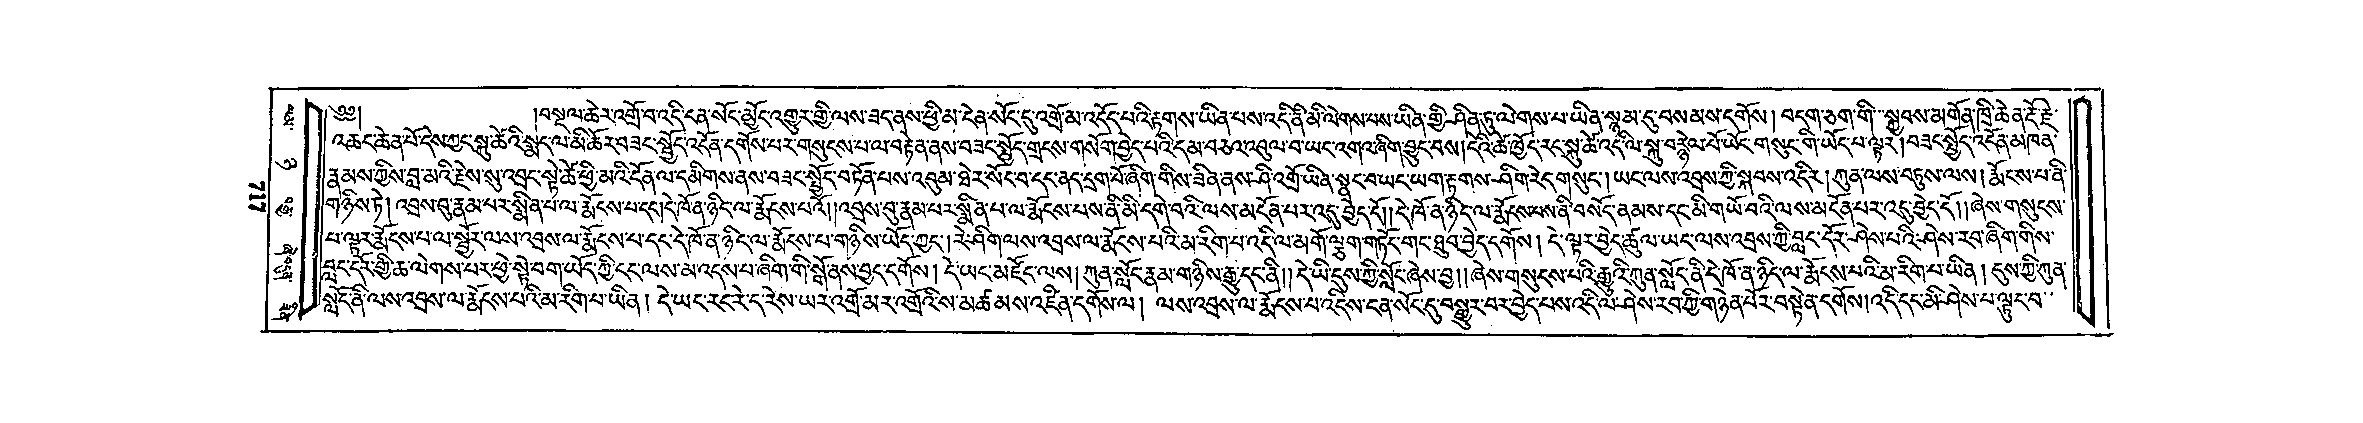༄༅། །བསྔལ་ཆེར་འགྲོ་བ་འདི་ངན་སོང་མྱོང་འགྱུར་གྱི་ལས་ཟད་ནས་ཕྱི་མ་ངེན་སོང་དུ་འགྲོ་མ་འདོད་པའི་རྟགས་ཡིན་པས་འདི་ནི་མི་ལེགས་པས་ཡིན་གྱི་ཤིན་ཏུ་ལེགས་པ་ཡིན་སྙམ་དུ་བསམས་དགོས། བདག་ཅག་གི་སྐྱབས་མགོན་ཁྲི་ཆེན་རྡོ་རྗེ་
འཆང་ཆེན་པོ་དེས་ཀྱང་སྐུ་ཚེའི་སྨད་ལ་མི་ཆོར་བཟང་སྤྱོད་འདོན་དགོས་པར་གསུངས་པ་ལ་བརྟེན་ནས་བཟང་སྤྱོད་གྲངས་གསོག་བྱེད་པའི་དམ་བཅའ་འབུལ་བ་ཡང་འགའ་ཞིག་བྱུང་བས། དེའི་ཚེ་ཁྱོད་རང་སྐུ་ཚེ་འདི་ལ་སྐུ་བརྙེལ་པོ་ཡོང་གསུང་གི་ཡོད་པ་ལྟར། བཟང་སྤྱོད་འདོན་མཁན་
རྣམས་ཀྱིས་བླ་མའི་རྗེས་སུ་འབྲང་སྟེ་ཚེ་ཕྱི་མའི་དོན་ལ་དམིགས་ནས་བཟང་སྤྱོད་བཏོན་པས་འབུམ་ཐེར་སོང་བ་དང་ནད་དྲག་པོ་ཞིག་གིས་ཟིན་ནས་ཤི་འགྲོ་ཡིན་སྣང་བ་ཡང་ཡག་རྟགས་ཤིག་རེད་གསུང་། ཡང་ལས་འབྲས་ཀྱི་སྐབས་འདིར། ཀུན་ལས་བཏུས་ལས། རྨོངས་པ་ནི་
གཉིས་ཏེ། འབྲས་བུ་རྣམ་པར་སྨིན་པ་ལ་རྨོངས་པ་དང་། དེ་ཁོ་ན་ཉིད་ལ་རྨོངས་པའོ། །འབྲས་བུ་རྣམ་པར་སྨིན་པ་ལ་རྨོངས་པས་ནི་མི་དགེ་བའི་ལས་མངོན་པར་འདུ་བྱེད་དོ། །དེ་ཁོ་ན་ཉིད་ལ་རྨོངས་པས་ནི་བསོད་ནམས་དང་མི་གཡོ་བའི་ལས་མངོན་པར་འདུ་བྱེད་དོ། །ཞེས་གསུངས་
པ་ལྟར་རྨོངས་པ་ལ་སྦྱོར་ལས་འབྲས་ལ་རྨོངས་པ་དང་དེ་ཁོ་ན་ཉིད་ལ་རྨོངས་པ་གཉིས་ཡོད་ཀྱང་། རེ་ཤིག་ལས་འབྲས་ལ་རྨོངས་པའི་མ་རིག་པ་འདི་ལ་མགོ་ལྕག་གཏོང་གང་ཐུབ་བྱེད་དགོས། དེ་ལྟར་བྱེད་ཚུལ་ཡང་ལས་འབྲས་ཀྱི་བླང་དོར་ཤེས་པའི་ཤེས་རབ་ཞིག་གིས་
བླང་དོར་གྱི་ཆ་ལེགས་པར་ཕྱེ་སྟེ་བག་ཡོད་ཀྱི་ངང་ལས་མ་འདས་པ་ཞིག་གི་སྒོ་ནས་བྱད་དགོས། དེ་ཡང་མཛོད་ལས། ཀུན་སློང་རྣམ་གཉིས་རྒྱུ་དང་ནི། །དེ་ཡི་དུས་ཀྱི་སློང་ཞེས་བྱ། །ཞེས་གསུངས་པའི་རྒྱུའི་ཀུན་སློང་ནི་དེ་ཁོ་ན་ཉིད་ལ་རྨོངས་པའི་མ་རིག་པ་ཡིན། དུས་ཀྱི་ཀུན་
སློང་ནི་ལས་འབྲས་ལ་རྨོངས་པའི་མ་རིག་པ་ཡིན། དེ་ཡང་རང་རེ་ད་རེས་ཡར་འགྲོ་མར་འགྲོའི་ས་མཚམས་འཛིན་དགོས་ལ། ལས་འབྲས་ལ་རྨོངས་པ་འདིས་ངན་སོང་དུ་བསྒྱུར་བར་བྱེད་པས་འདི་ལ་ཤེས་རབ་ཀྱི་གཉེན་པོར་བསྟེན་དགོས། འདི་དང་མི་ཤེས་པ་ལྟུང་བ་